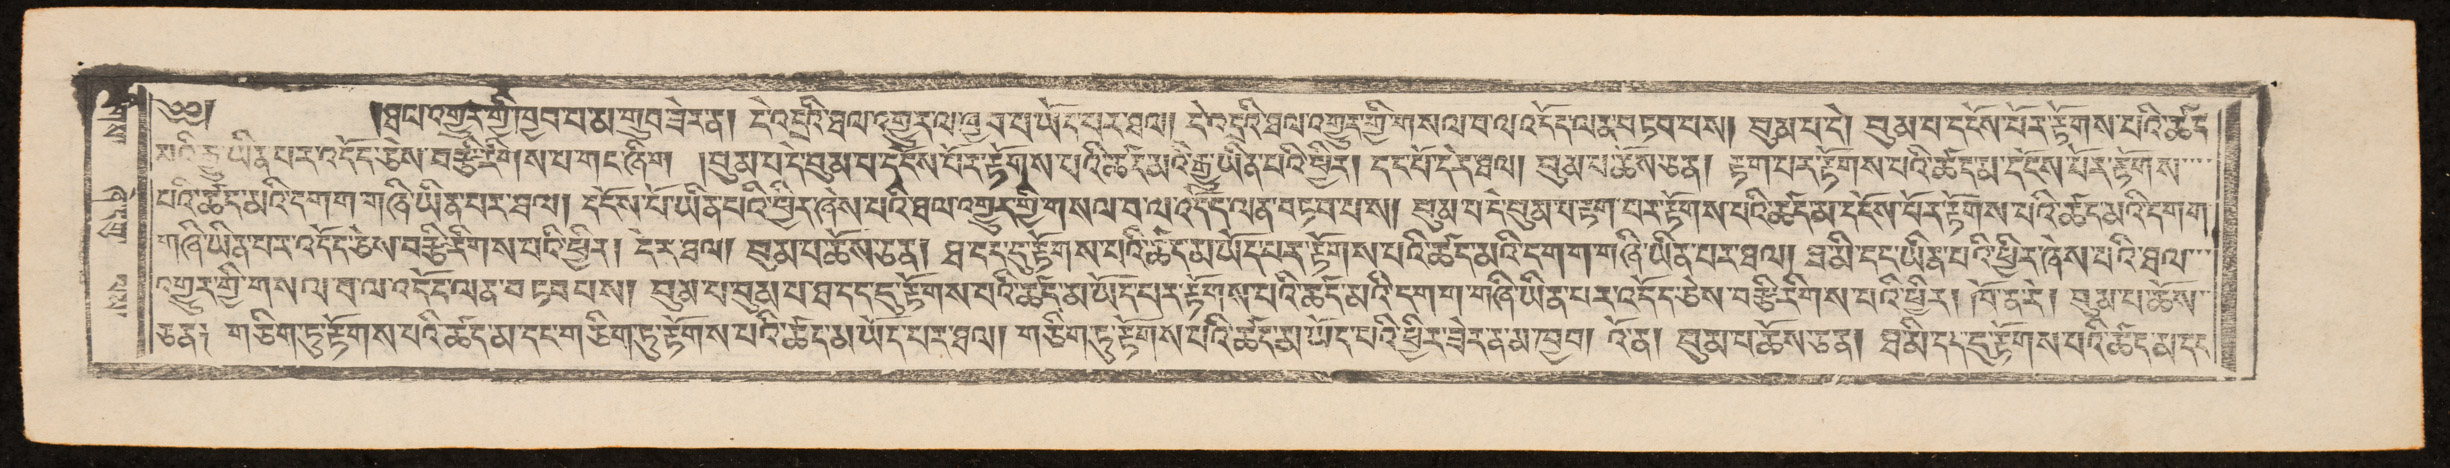༄༅། །ཐལ་འགྱུར་གྱི་ཁྱབ་པ་མ་གྲུབ་ཟེར་ན། དེ་འདྲའི་ཐལ་འགྱུར་ལ་ཁྱབ་པ་ཡོད་པར་ཐལ། དེ་འདྲའི་ཐལ་འགྱུར་གྱི་གསལ་བ་ལ་འདོད་ལན་བཏབ་པས། བུམ་པ་དེ། བུམ་པ་དངོས་པོར་རྟོགས་པའི་ཚད་
མའི་རྒྱུ་ཡིན་པར་འདོད་ཅེས་བརྩི་རིགས་པ་གང་ཞིག །བུམ་པ་དེ་བུམ་པ་དངོས་པོར་རྟོགས་པའི་ཚད་མའི་རྒྱུ་ཡིན་པའི་ཕྱིར། དང་པོ་དེར་ཐལ། བུམ་པ་ཆོས་ཅན། རྟག་པར་རྟོགས་པའི་ཚད་མ་དངོས་པོར་རྟོགས་
པའི་ཚད་མའི་དགག་གཞི་ཡིན་པར་ཐལ། དངོས་པོ་ཡིན་པའི་ཕྱིར་ཞེས་པའི་ཐལ་འགྱུར་གྱི་གསལ་བ་ལ་འདོད་ལན་བཏབ་པས། བུམ་པ་དེ་བུམ་པ་རྟག་པར་རྟོགས་པའི་ཚད་མ་དངོས་པོར་རྟོགས་པའི་ཚད་མའི་དགག་
གཞི་ཡིན་པར་འདོད་ཅེས་བརྩི་རིགས་པའི་ཕྱིར། དེར་ཐལ། བུམ་པ་ཆོས་ཅན། ཐ་དད་དུ་རྟོགས་པའི་ཚད་མ་ཡོད་པར་རྟོགས་པའི་ཚད་མའི་དགག་གཞི་ཡིན་པར་ཐལ། ཐ་མི་དད་ཡིན་པའི་ཕྱིར་ཞེས་པའི་ཐལ་
འགྱུར་གྱི་གསལ་བ་ལ་འདོད་ལན་བཏབ་པས། བུམ་པ་བུམ་པ་ཐ་དད་དུ་རྟོགས་པའི་ཚད་མ་ཡོད་པར་རྟོགས་པའི་ཚད་མའི་དགག་གཞི་ཡིན་པར་འདོད་ཅེས་བརྩི་རིགས་པའི་ཕྱིར། ཁོ་ན་རེ། བུམ་པ་ཆོས་
ཅན། གཅིག་ཏུ་རྟོགས་པའི་ཚད་མ་དང་གཅིག་ཏུ་རྟོགས་པའི་ཚད་མ་ཡོད་པར་ཐལ། གཅིག་ཏུ་རྟོགས་པའི་ཚད་མ་ཡོད་པའི་ཕྱིར་ཟེར་ན་མ་ཁྱབ། འོ་ན། བུམ་པ་ཆོས་ཅན། ཐ་མི་དད་དུ་རྟོགས་པའི་ཚད་མ་དང་